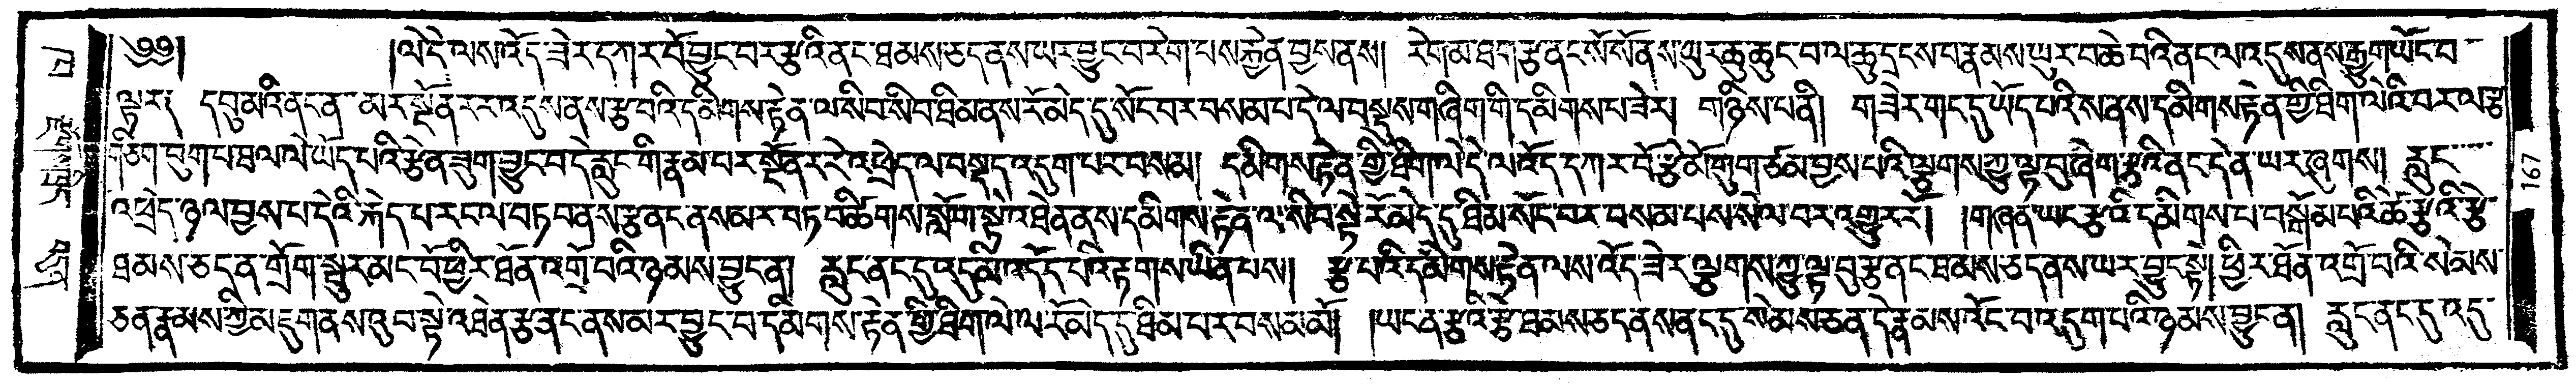༄༅། །ལེ་དེ་ལས་འོད་ཟེར་དཀར་པོ་བྱུང་བར་རྩའི་ནང་ཐམས་ཅད་ནས་ཡར་བྱུང་བ་རེག་པས་རྐྱེན་བྱས་ནས། རེག་མ་ཐག་རྩ་ནང་སོ་སོ་ནས་ཡུར་ཆུ་ཆུང་བ་ལ་ཆུ་དྲངས་བ་རྣམས་ཡུར་བ་ཆེ་བའི་ནང་ལ་འདུས་ནས་རྒྱུག་ཡོང་བ་
ལྟར༑ དབུ་མའི་ནང་ན་མར་སྔོན་རར་འདུས་ནས་རྩ་བའི་དམིགས་རྟེན་ལ་སིབ་སིབ་ཐིམ་ནས་རོ་མེད་དུ་སོང་བར་བསམ་པ་དེ་ལ་བསྡུས་གཞིག་གི་དམིགས་པ་ཟེར། གཉིས་པ་ནི། གཟེར་གང་དུ་ཡོད་པའི་ས་ནས་དམིགས་རྟེན་གྱི་ཐིག་ལེའི་བར་ལ་རྩ་
གཅིག་བུག་པ་ཐལ་ལེ་ཡོད་པའི་རྩེན་ཟུག་བྱུང་བ་དེ་རླུང་གི་རྣམ་པར་སྔོན་ར་རེ་འཕྲེད་ལ་བསྡད་འདུག་པར་བསམ། དམིགས་རྟེན་གྱི་ཐིག་ལེ་དེ་ལ་འོད་དཀར་པོ་རྩེ་མོ་གུག་ཙམ་བྱས་པའི་ལྕགས་ཀྱུ་ལྟ་བུ་ཞིག་རྩའི་ནང་དེ་ན་ཡར་ཞུགས། རླུང་
འཕྲེད་ཉལ་བྱས་པ་དེའི་རྐེད་པ་རང་ལ་བཏབ་ནས་རྩ་ནང་ནས་མར་བཏབ་ཚིགས་སློག་སྟེ་འཐེན་ནས་དམིགས་རྟེན་ལ་སིབ་སྟེ་རོ་མེད་དུ་ཐིམ་སོང་བར་བསམ་པས་སེལ་བར་འགྱུར་རོ། །གཞན་ཡང་རྩའི་དམིགས་པ་བསྒོམ་པའི་ཚེ་རྩའི་རྩེ་
ཐམས་ཅད་ན་གྲོག་སྦུར་མང་བོ་ཕྱིར་ཐོན་འགྲོ་བའི་ཉམས་བྱུང་ན། རླུང་ནང་དུ་འདུ་མི་འདོད་པའི་རྟགས་ཡིན་པས། རྩ་པའི་དམིགས་རྟེན་ལས་འོད་ཟེར་ལྕགས་ཀྱུ་ལྟ་བུ་རྩ་ནང་ཐམས་ཅད་ནས་ཡར་བྱུང་སྟེ། ཕྱིར་ཐོན་འགྲོ་བའི་སེམས་
ཅན་རྣམས་ཀྱི་མཇུག་ནས་འུབ་སྟེ་འཐེན་རྩ་ནང་ནས་མར་བྱུང་བ་དམིགས་རྟེན་གྱི་ཐིག་ལེ་ལ་རོ་མེད་དུ་ཐིམ་པར་བསམ་མོ། །ཡང་ན་རྩའི་རྩེ་ཐམས་ཅད་ནས་ནང་དུ་སེམས་ཅན་དེ་རྣམས་འོང་བ་འདུག་པའི་ཉམས་བྱུང་ན། རླུང་ནང་དུ་འདུ་